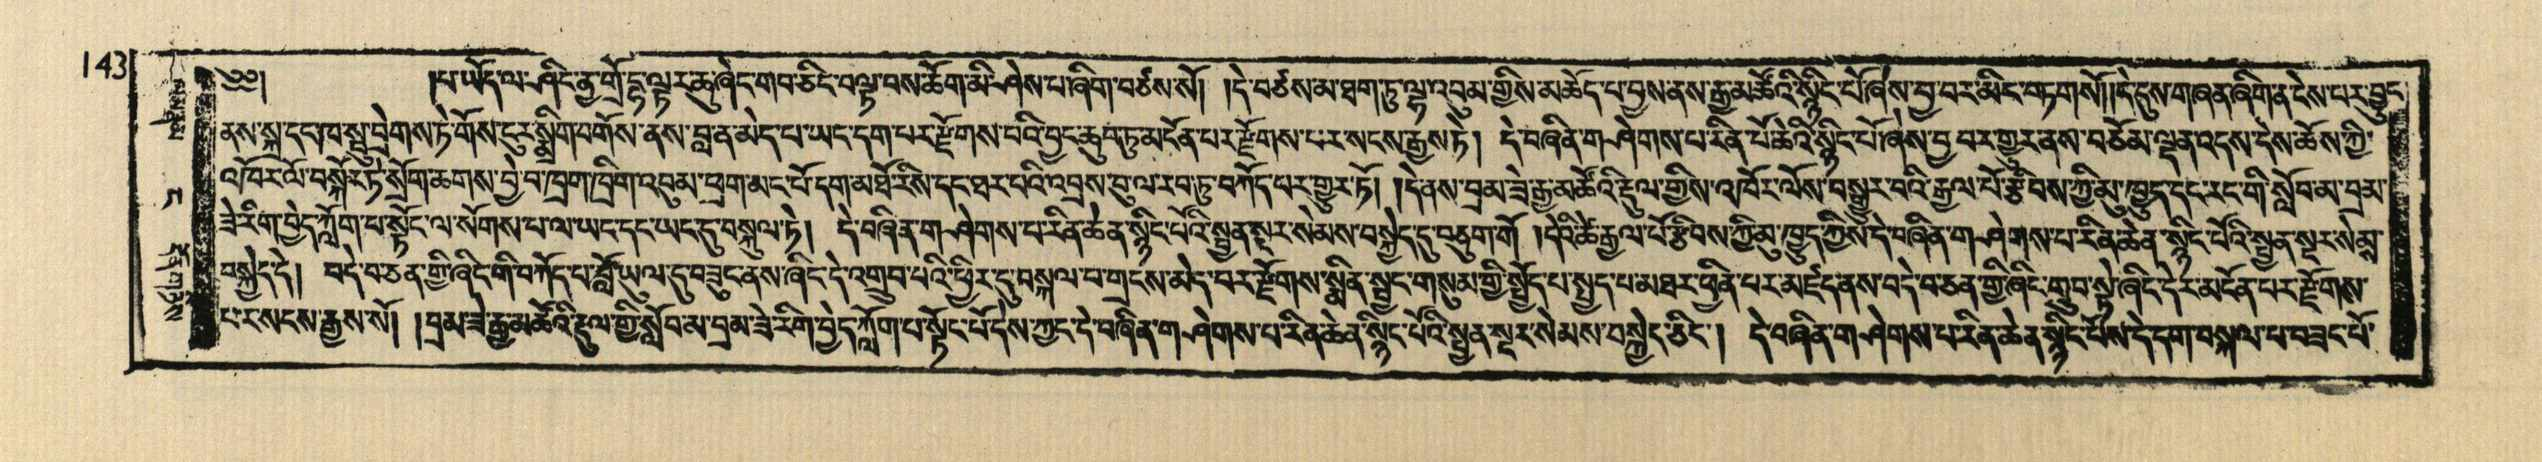༄༅། །པ་ཡོད་ལ་ཤིང་ནྱ་གྲོ་དྷ་ལྟར་ཆུ་ཞེང་གབ་ཅིང་བལྟ་བས་ཆོག་མི་ཤེས་པ་ཞིག་བཙས་སོ། །དེ་བཙས་མ་ཐག་ཏུ་ལྷ་འབུམ་གྱིས་མཆོད་པ་བྱས་ནས་རྒྱ་མཚོའི་སྙིང་པོ་ཞེས་བྱ་བར་མིང་བཏག་སོ། །དེ་དུས་གཞན་ཞིག་ན་ངེས་པར་བྱུང་
ནས་སྐྲ་དང་ཁ་སྦུ་བྲེགས་ཏེ་གོས་དུར་སྨྲིག་བགོས་ནས་བླ་ན་མེད་པ་ཡང་དག་པར་རྫོགས་པའི་བྱང་ཆུབ་ཏུ་མངོན་པར་རྫོགས་པར་སངས་རྒྱས་ཏེ། དེ་བཞིན་གཤེགས་པ་རིན་པོ་ཆེའི་སྙིང་པོ་ཞེས་བྱ་བར་གྱུར་ནས་བཅོམ་ལྡན་འདས་དེས་ཆོས་ཀྱི་
འཁོར་ལོ་བསྐོར་ཏེ་སྲོག་ཆགས་བྱེ་བ་ཁྲག་ཁྲིག་འབུམ་ཕྲག་མང་པོ་དག་མཐོ་རིས་དང་ཐར་པའི་འབྲས་བུ་ལ་རབ་ཏུ་བཀོད་པར་གྱུར་ཏོ། །དེ་ནས་བྲམ་ཟེ་རྒྱ་མཚོའི་རྡུལ་གྱིས་འཁོར་ལོས་བསྒྱུར་བའི་རྒྱལ་པོ་རྩིབས་ཀྱི་མུ་ཁྱུད་དང་རང་གི་སློབ་མ་བྲམ་
ཟེ་རིག་བྱེད་ཀློག་པ་སྟོང་ལ་སོགས་པ་ལ་ཡང་དང་ཡང་དུ་བསྐུལ་ཏེ། དེ་བཞིན་གཤེགས་པ་རིན་ཆེན་སྙིང་པོའི་སྤྱན་སྔར་སེམས་བསྐྱེད་དུ་བཅུག་གོ །དེའི་ཚེ་རྒྱལ་པོ་རྩིབས་ཀྱི་མུ་ཁྱུད་ཀྱིས་དེ་བཞིན་གཤེགས་པ་རིན་ཆེན་སྙིང་པོའི་སྤྱན་སྔར་སེམས་
བསྐྱེད་དེ། བདེ་བ་ཅན་གྱི་ཞིང་གི་བཀོད་པ་བློ་ཡུལ་དུ་བཟུང་ནས་ཞིང་དེ་འགྲུབ་པའི་ཕྱིར་དུ་བསྐལ་པ་གྲངས་མེད་པར་རྫོགས་སྨིན་སྦྱང་གསུམ་གྱི་སྤྱོད་པ་སྤྱད་པ་མཐར་ཕྱིན་པར་མཛད་ནས་བདེ་བ་ཅན་གྱི་ཞིང་གྲུབ་སྟེ་ཞིང་དེར་མངོན་པར་རྫོགས་
པར་སངས་རྒྱས་སོ། །བྲམ་ཟེ་རྒྱ་མཚོའི་རྡུལ་གྱི་སློབ་མ་བྲམ་ཟེ་རིག་བྱེད་ཀློག་པ་སྟོང་པོ་དེས་ཀྱང་དེ་བཞིན་གཤེགས་པ་རིན་ཆེན་སྙིང་པོའི་སྤྱན་སྔར་སེམས་བསྐྱེད་ཅིང་། དེ་བཞིན་གཤེགས་པ་རིན་ཆེན་སྙིང་པོས་དེ་དག་བསྐལ་པ་བཟང་པོ་